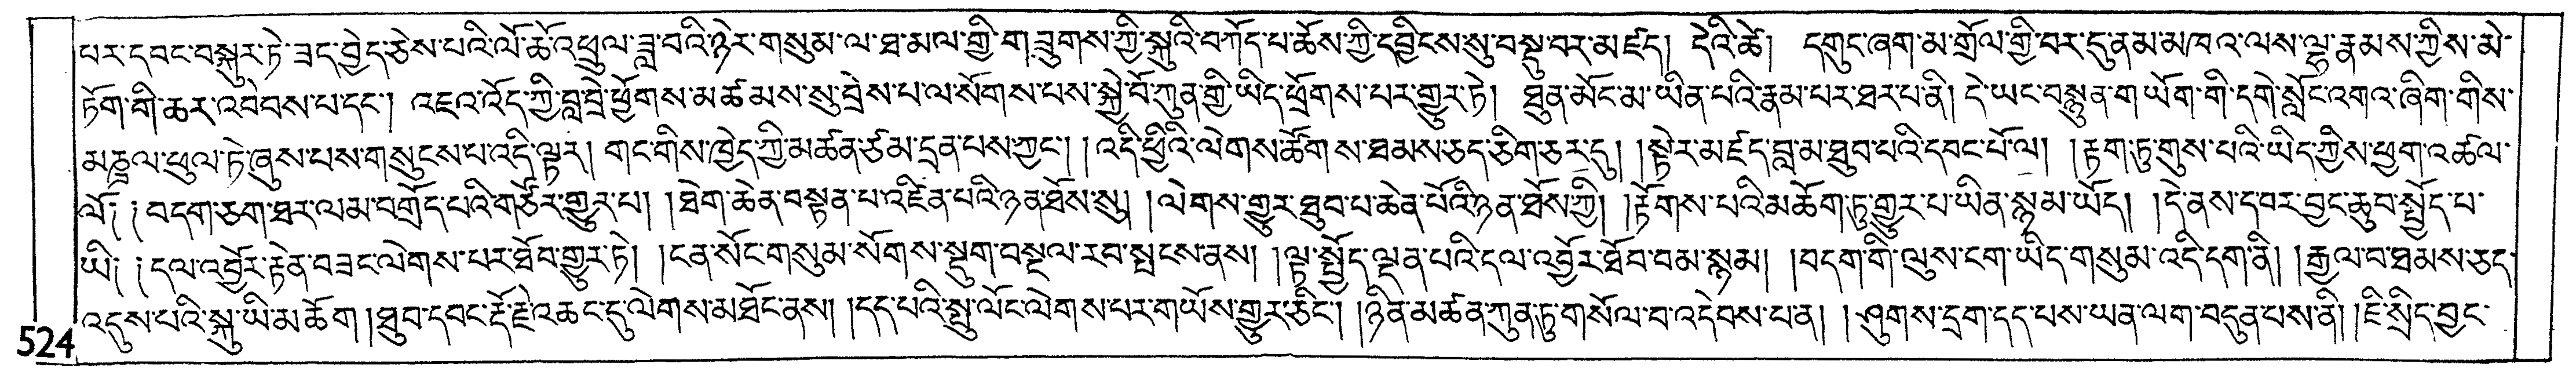པར་དབང་བསྐུར་ཏེ་ཟད་བྱེད་ཅེས་པའི་ལོ་ཆོ་འཕྲུལ་ཟླ་བའི་ཉེར་གསུམ་ལ་ཐ་མལ་གྱི་གཟུགས་ཀྱི་སྐུའི་བཀོད་པ་ཆོས་ཀྱི་དབྱིངས་སུ་བསྡུ་བར་མཛད། དེའི་ཚེ། དགུང་ཞག་མ་གྲོལ་གྱི་བར་དུ་ནམ་མཁའ་ལས་ལྷ་རྣམས་ཀྱིས་མེ་
ཏོག་གི་ཆར་འབེབས་པ་དང་། འཇའ་འོད་ཀྱི་བླ་བྲེ་ཕྱོགས་མཚམས་སུ་བྲེས་པ་ལ་སོགས་པས་སྐྱེ་བོ་ཀུན་གྱི་ཡིད་ཕྲོགས་པར་གྱུར་ཏེ། ཐུན་མོང་མ་ཡིན་པའི་རྣམ་པར་ཐར་པ་ནི། དེ་ཡང་བསྙུན་གཡོག་གི་དགེ་སློང་འགའ་ཞིག་གིས་
མཎྜལ་ཕུལ་ཏེ་ཞུས་པས་གསུངས་པ་འདི་ལྟར། གང་གིས་ཁྱེད་ཀྱི་མཚན་ཙམ་དྲན་པས་ཀྱང་། །འདི་ཕྱིའི་ལེགས་ཚོགས་ཐམས་ཅད་ཅིག་ཅར་དུ། །སྟེར་མཛད་བླ་མ་ཐུབ་པའི་དབང་པོ་ལ། །རྟག་ཏུ་གུས་པའི་ཡིད་ཀྱིས་ཕྱག་འཚལ་
ལོ༑ ༑བདག་ཅག་ཐར་ལམ་བགྲོད་པའི་གཙོར་གྱུར་པ། །ཐེག་ཆེན་བསྟན་པ་འཛིན་པའི་ཉན་ཐོས་སུ། །ལེགས་གྱུར་ཐུབ་པ་ཆེན་པོའི་ཉན་ཐོས་ཀྱི། །རྟོགས་པའི་མཆོག་ཏུ་གྱུར་པ་ཡིན་སྙམ་ཡོད། །དེ་ནས་ད་བར་བྱང་ཆུབ་སྤྱོད་པ་
ཡི། །དལ་འབྱོར་རྟེན་བཟང་ལེགས་པར་ཐོབ་གྱུར་ཏེ། །ངན་སོང་གསུམ་སོགས་སྡུག་བསྔལ་རབ་སྤངས་ནས། །ལྟ་སྤྱོད་ལྡན་པའི་དལ་འབྱོར་ཐོབ་བམ་སྙམ། །བདག་གི་ལུས་ངག་ཡིད་གསུམ་འདི་དག་ནི། །རྒྱལ་བ་ཐམས་ཅད་
འདུས་པའི་སྐུ་ཡི་མཆོག །ཐུབ་དབང་རྡོ་རྗེ་འཆང་དུ་ལེགས་མཐོང་ནས། །དད་པའི་སྤུ་ལོང་ལེགས་པར་གཡོས་གྱུར་ཅིང་། །ཉིན་མཚན་ཀུན་ཏུ་གསོལ་བ་འདེབས་པ་ན། །ཤུགས་དྲག་དད་པས་ཡན་ལག་བདུན་པས་ནི། །ཇི་སྲིད་བྱང་